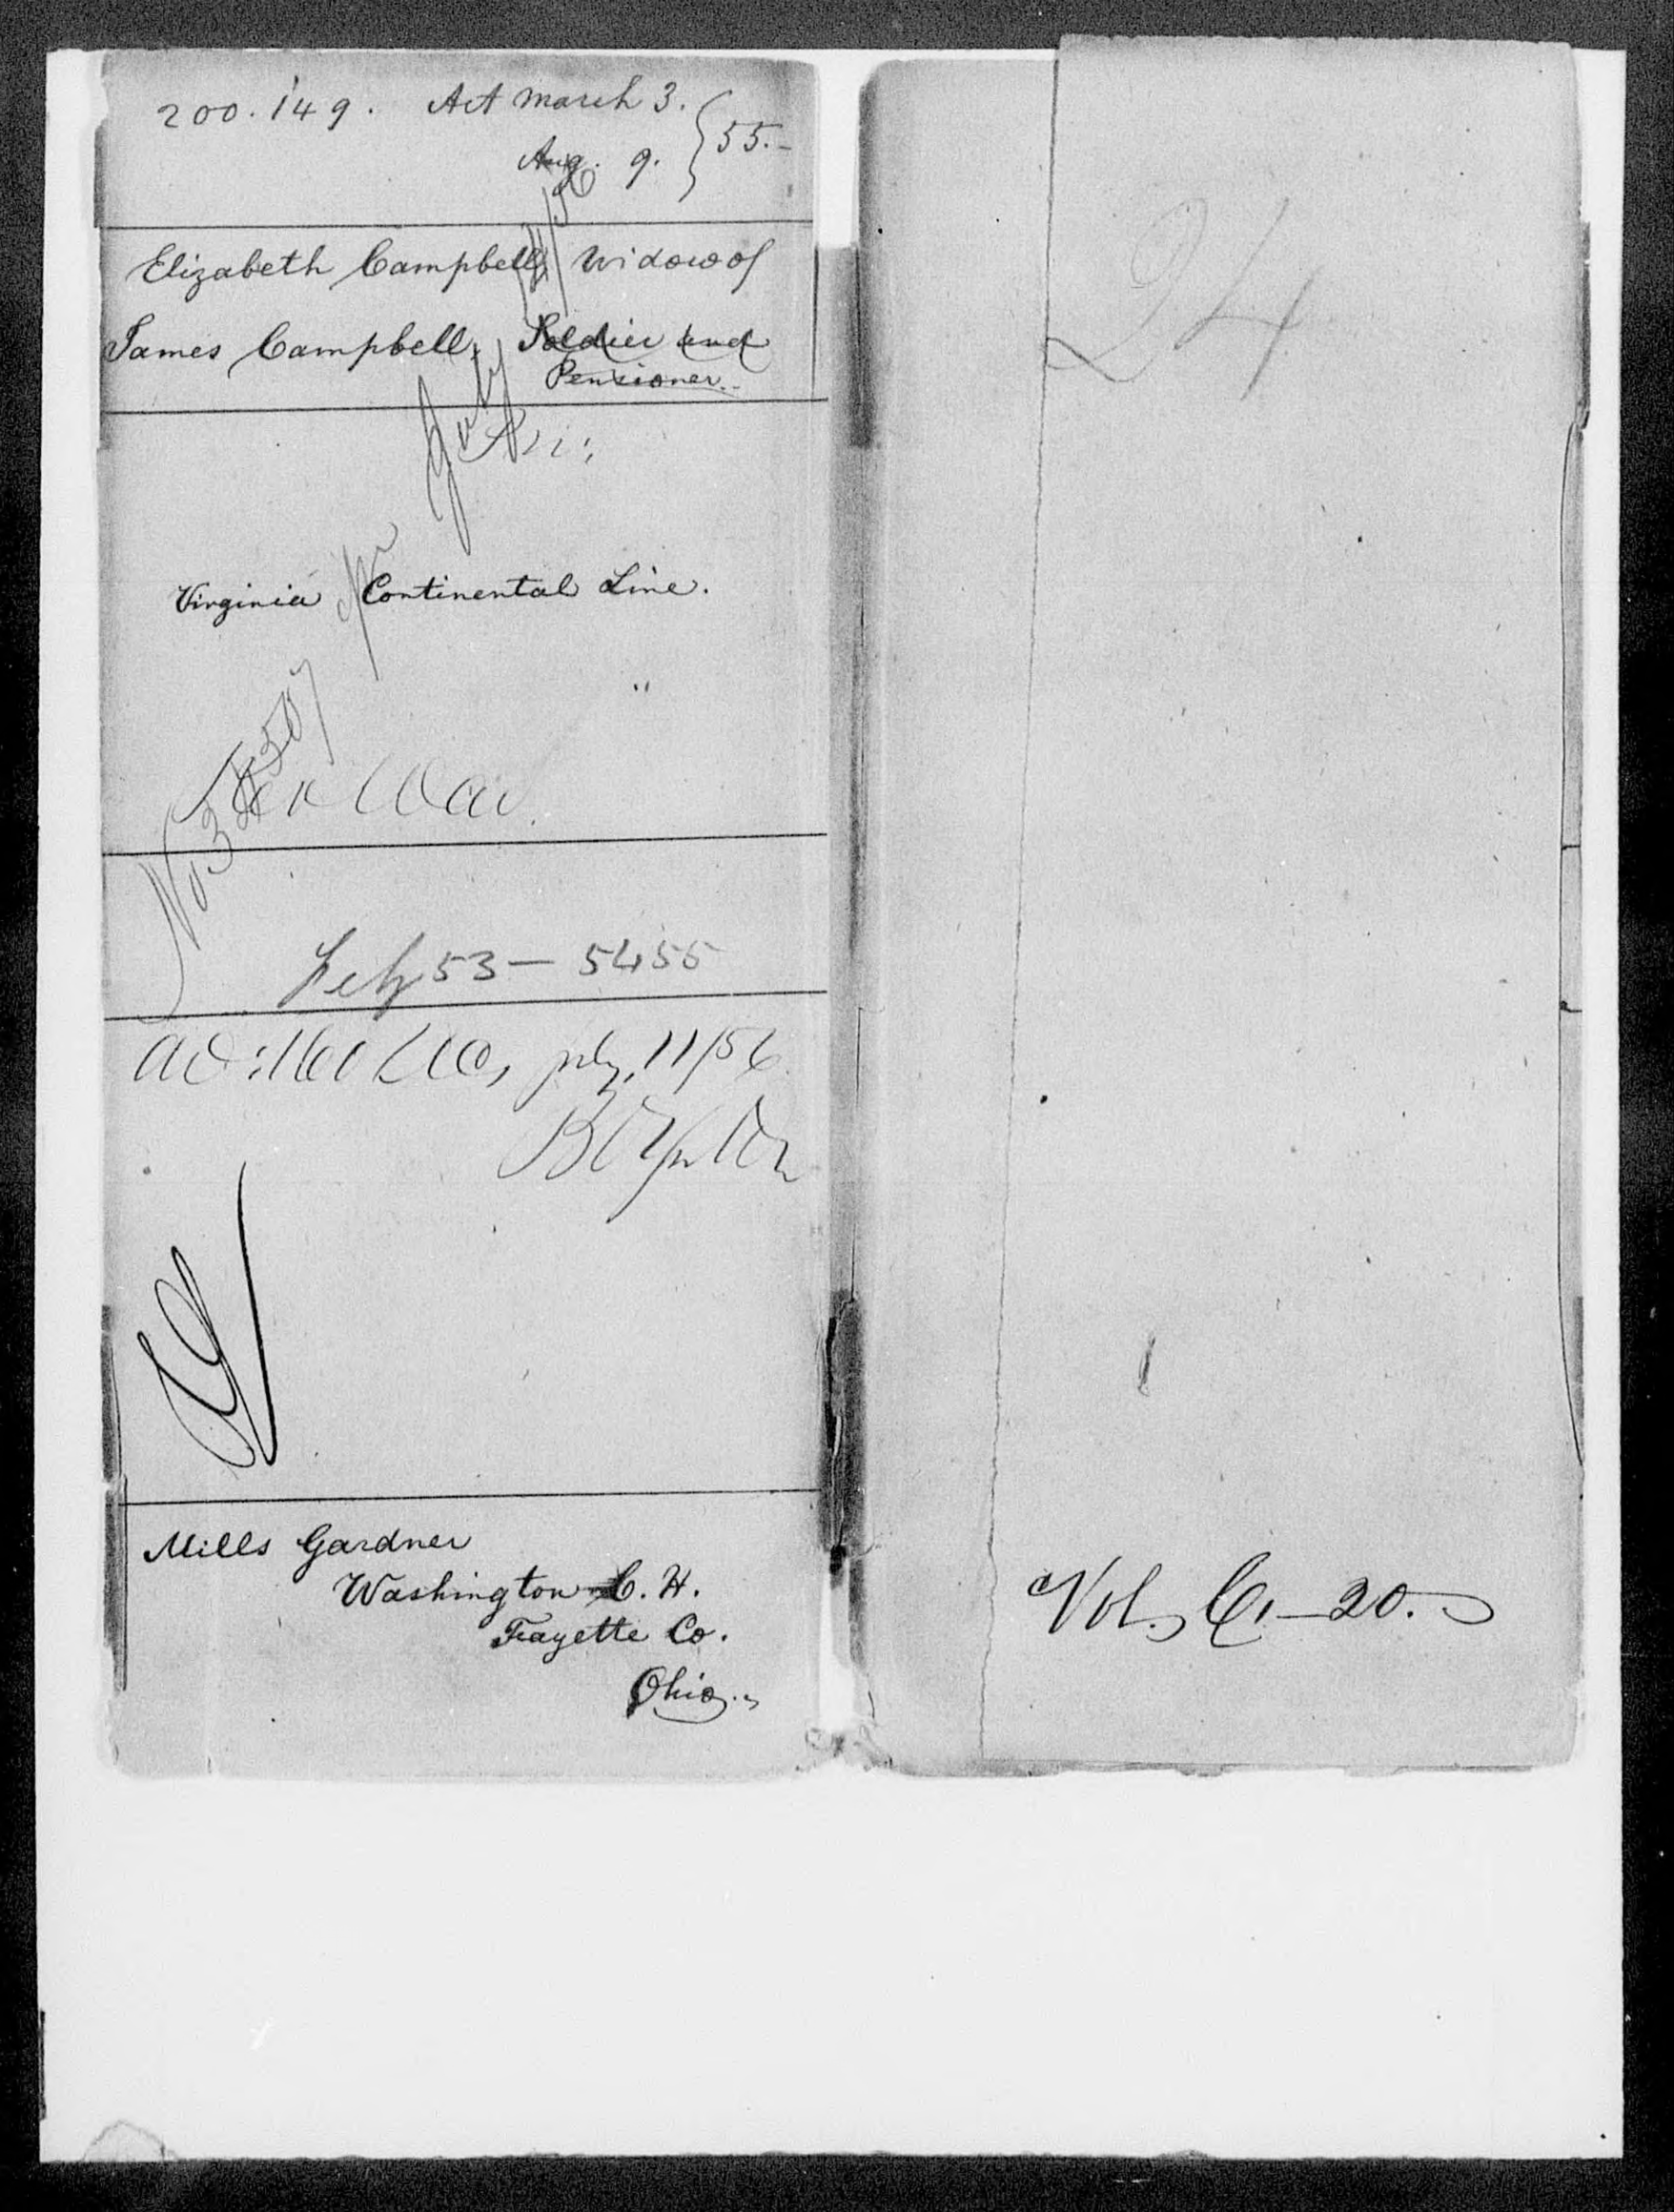200.149. Act March 3.}
Aug. 9}    55.-
Elizabeth Campbell widow of James Campbell Soldier and Pensioner
No 34507 for July 14/56 
Virginia Continental Line
Rev War
Feby 53-54 55
AO: 160 Uc prly 11/56
B Rprth
Co
Mills Gardner
Washington C. H.
Fayette Co.
Ohio.
24
Vol. C. -20.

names: Elizabeth Campbell, James Campbell, Mills Gardner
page: 15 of 47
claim: widow's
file: W. 25384, James Campbell, Va.